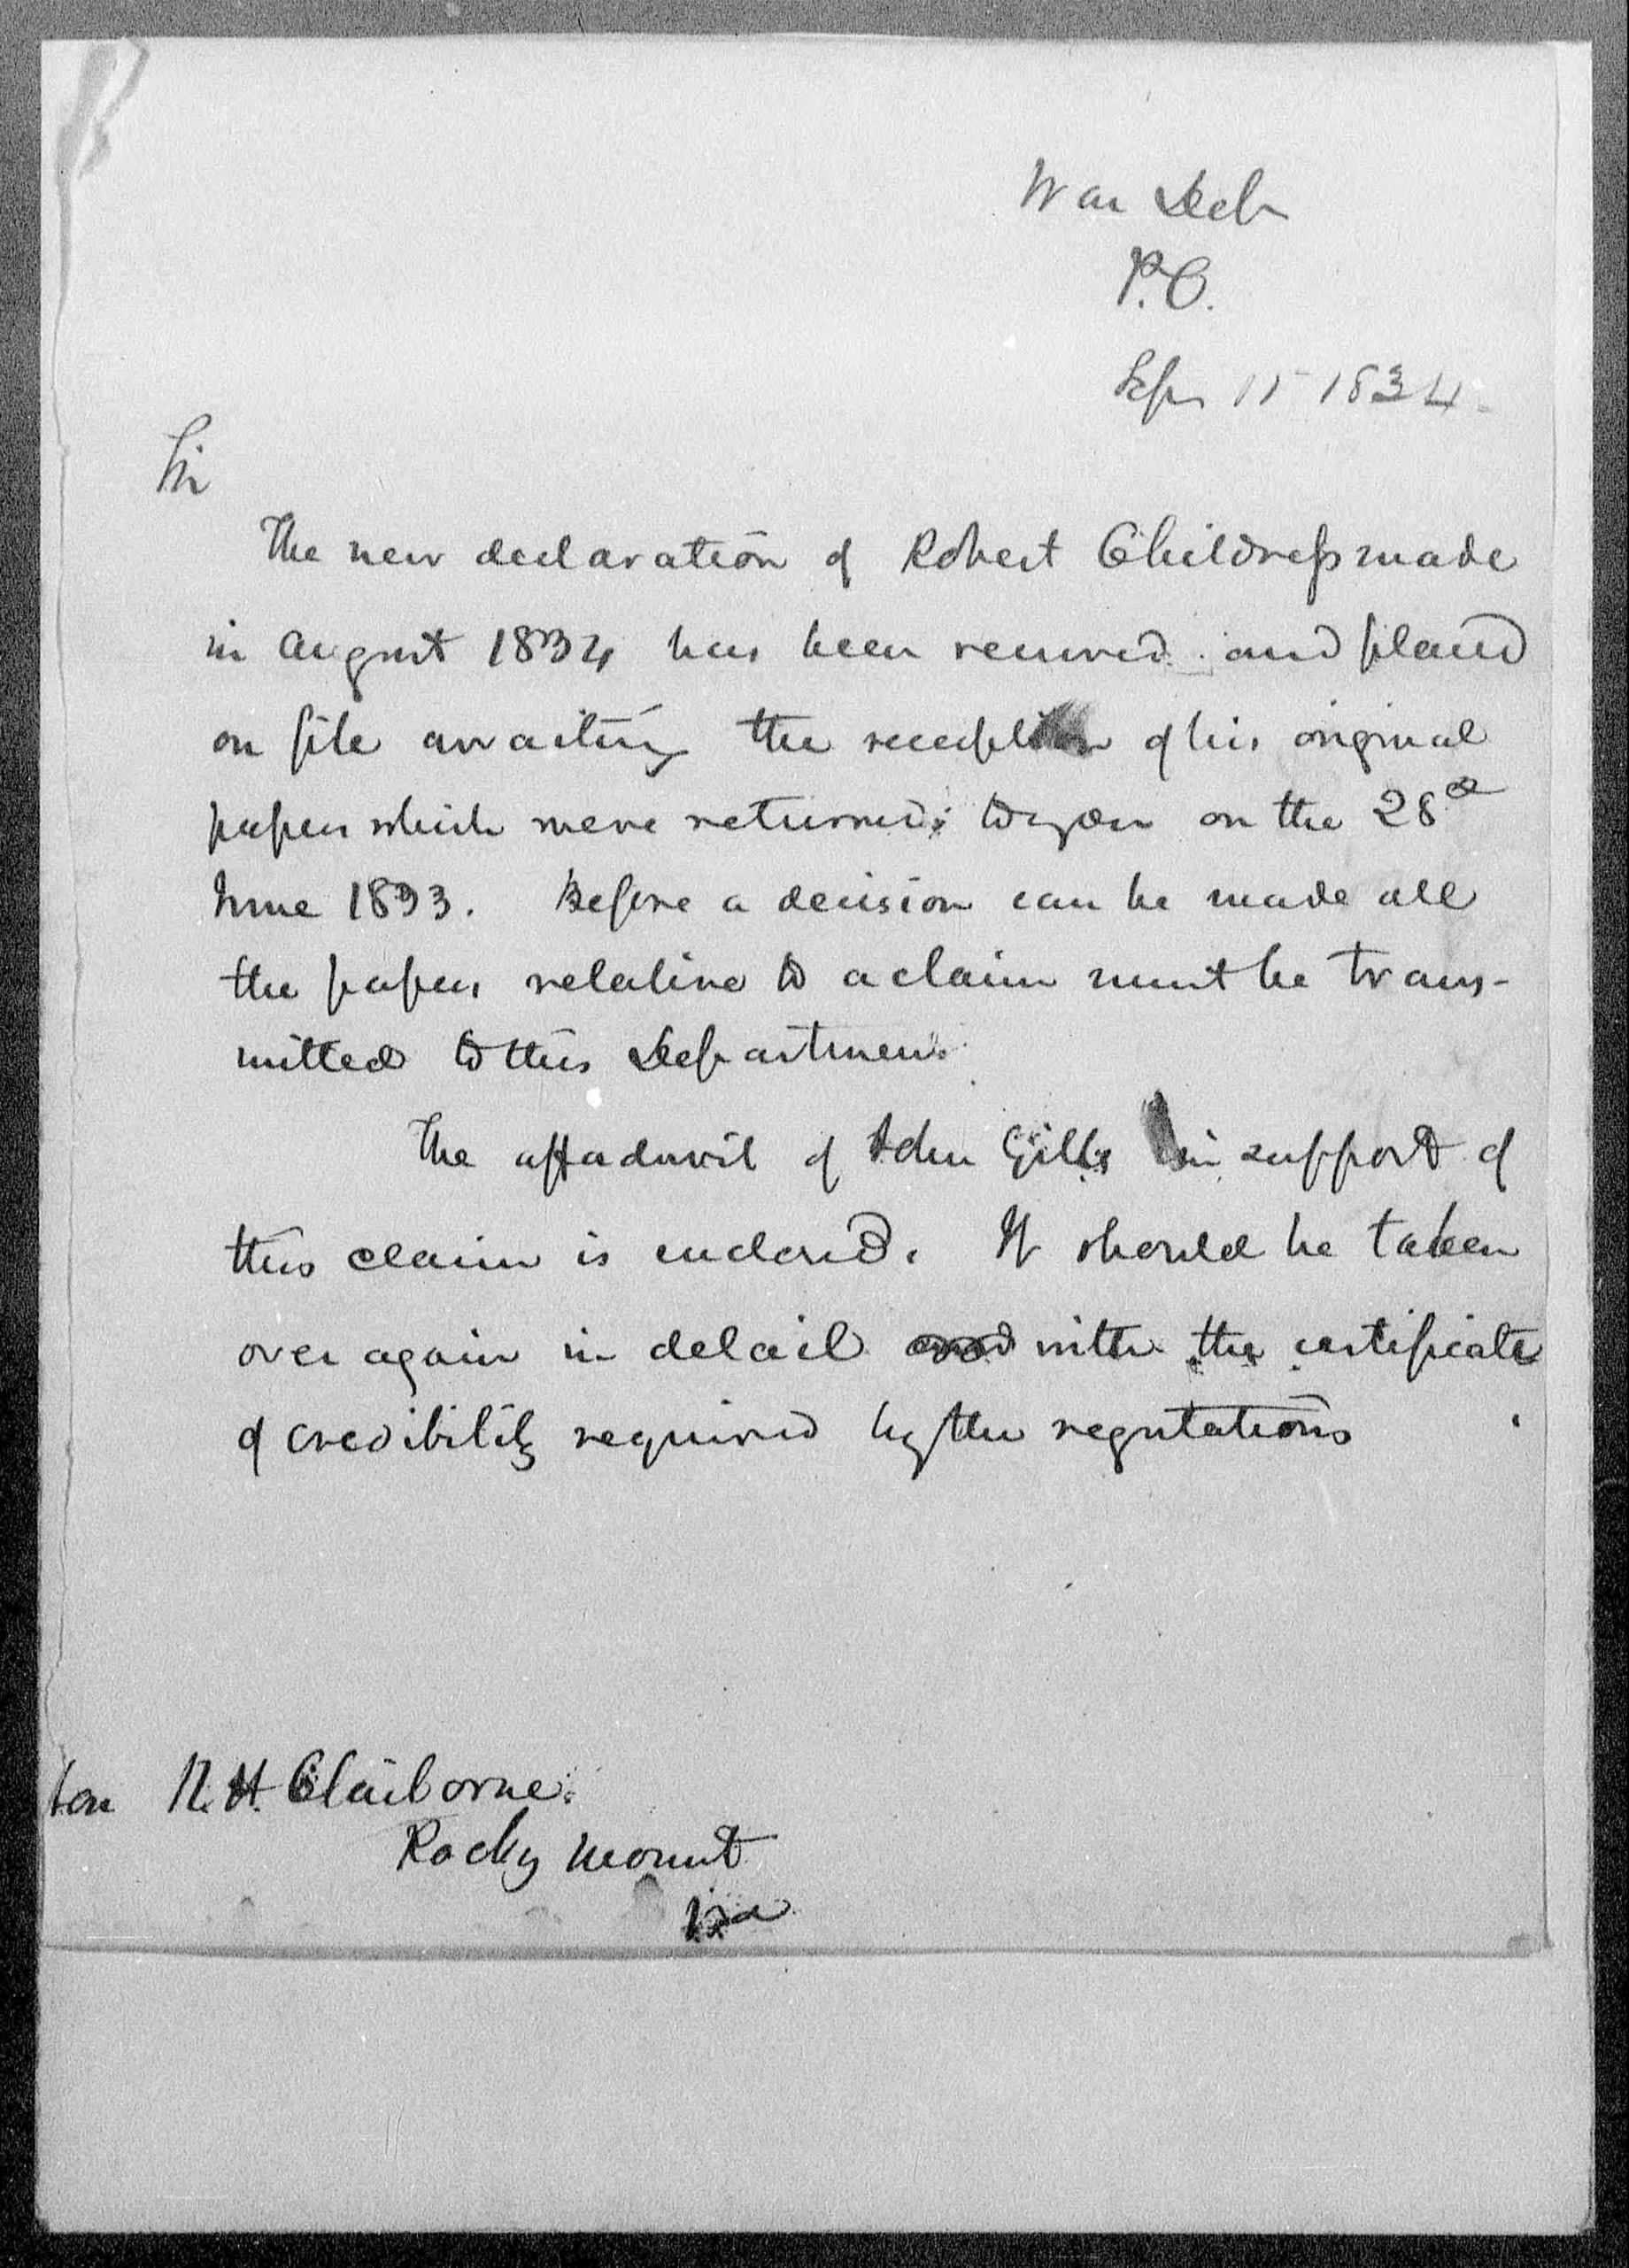War Set
P.O
Sep 11 1834

Hi
the new declaration of Robert Childress made
in August 1834 has been received and placed
on file awaiting the reception of his original
paper which were returned to you on the 28th
June 1833. Before a decision can be made all
the papers relative to a claim must be transmitted
to this Department.
The affidavit of Aden Gills in support of
this claim is ended. It should be taken
over again in detail and with the certificate
of credibility required by the regulations

N. H. Claiborne
Rocky Mount
[illegible]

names: John Gills, Robert Childress, N H Claiborne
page: 11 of 25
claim: rejected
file: R. 1929, Robert Childress, Va